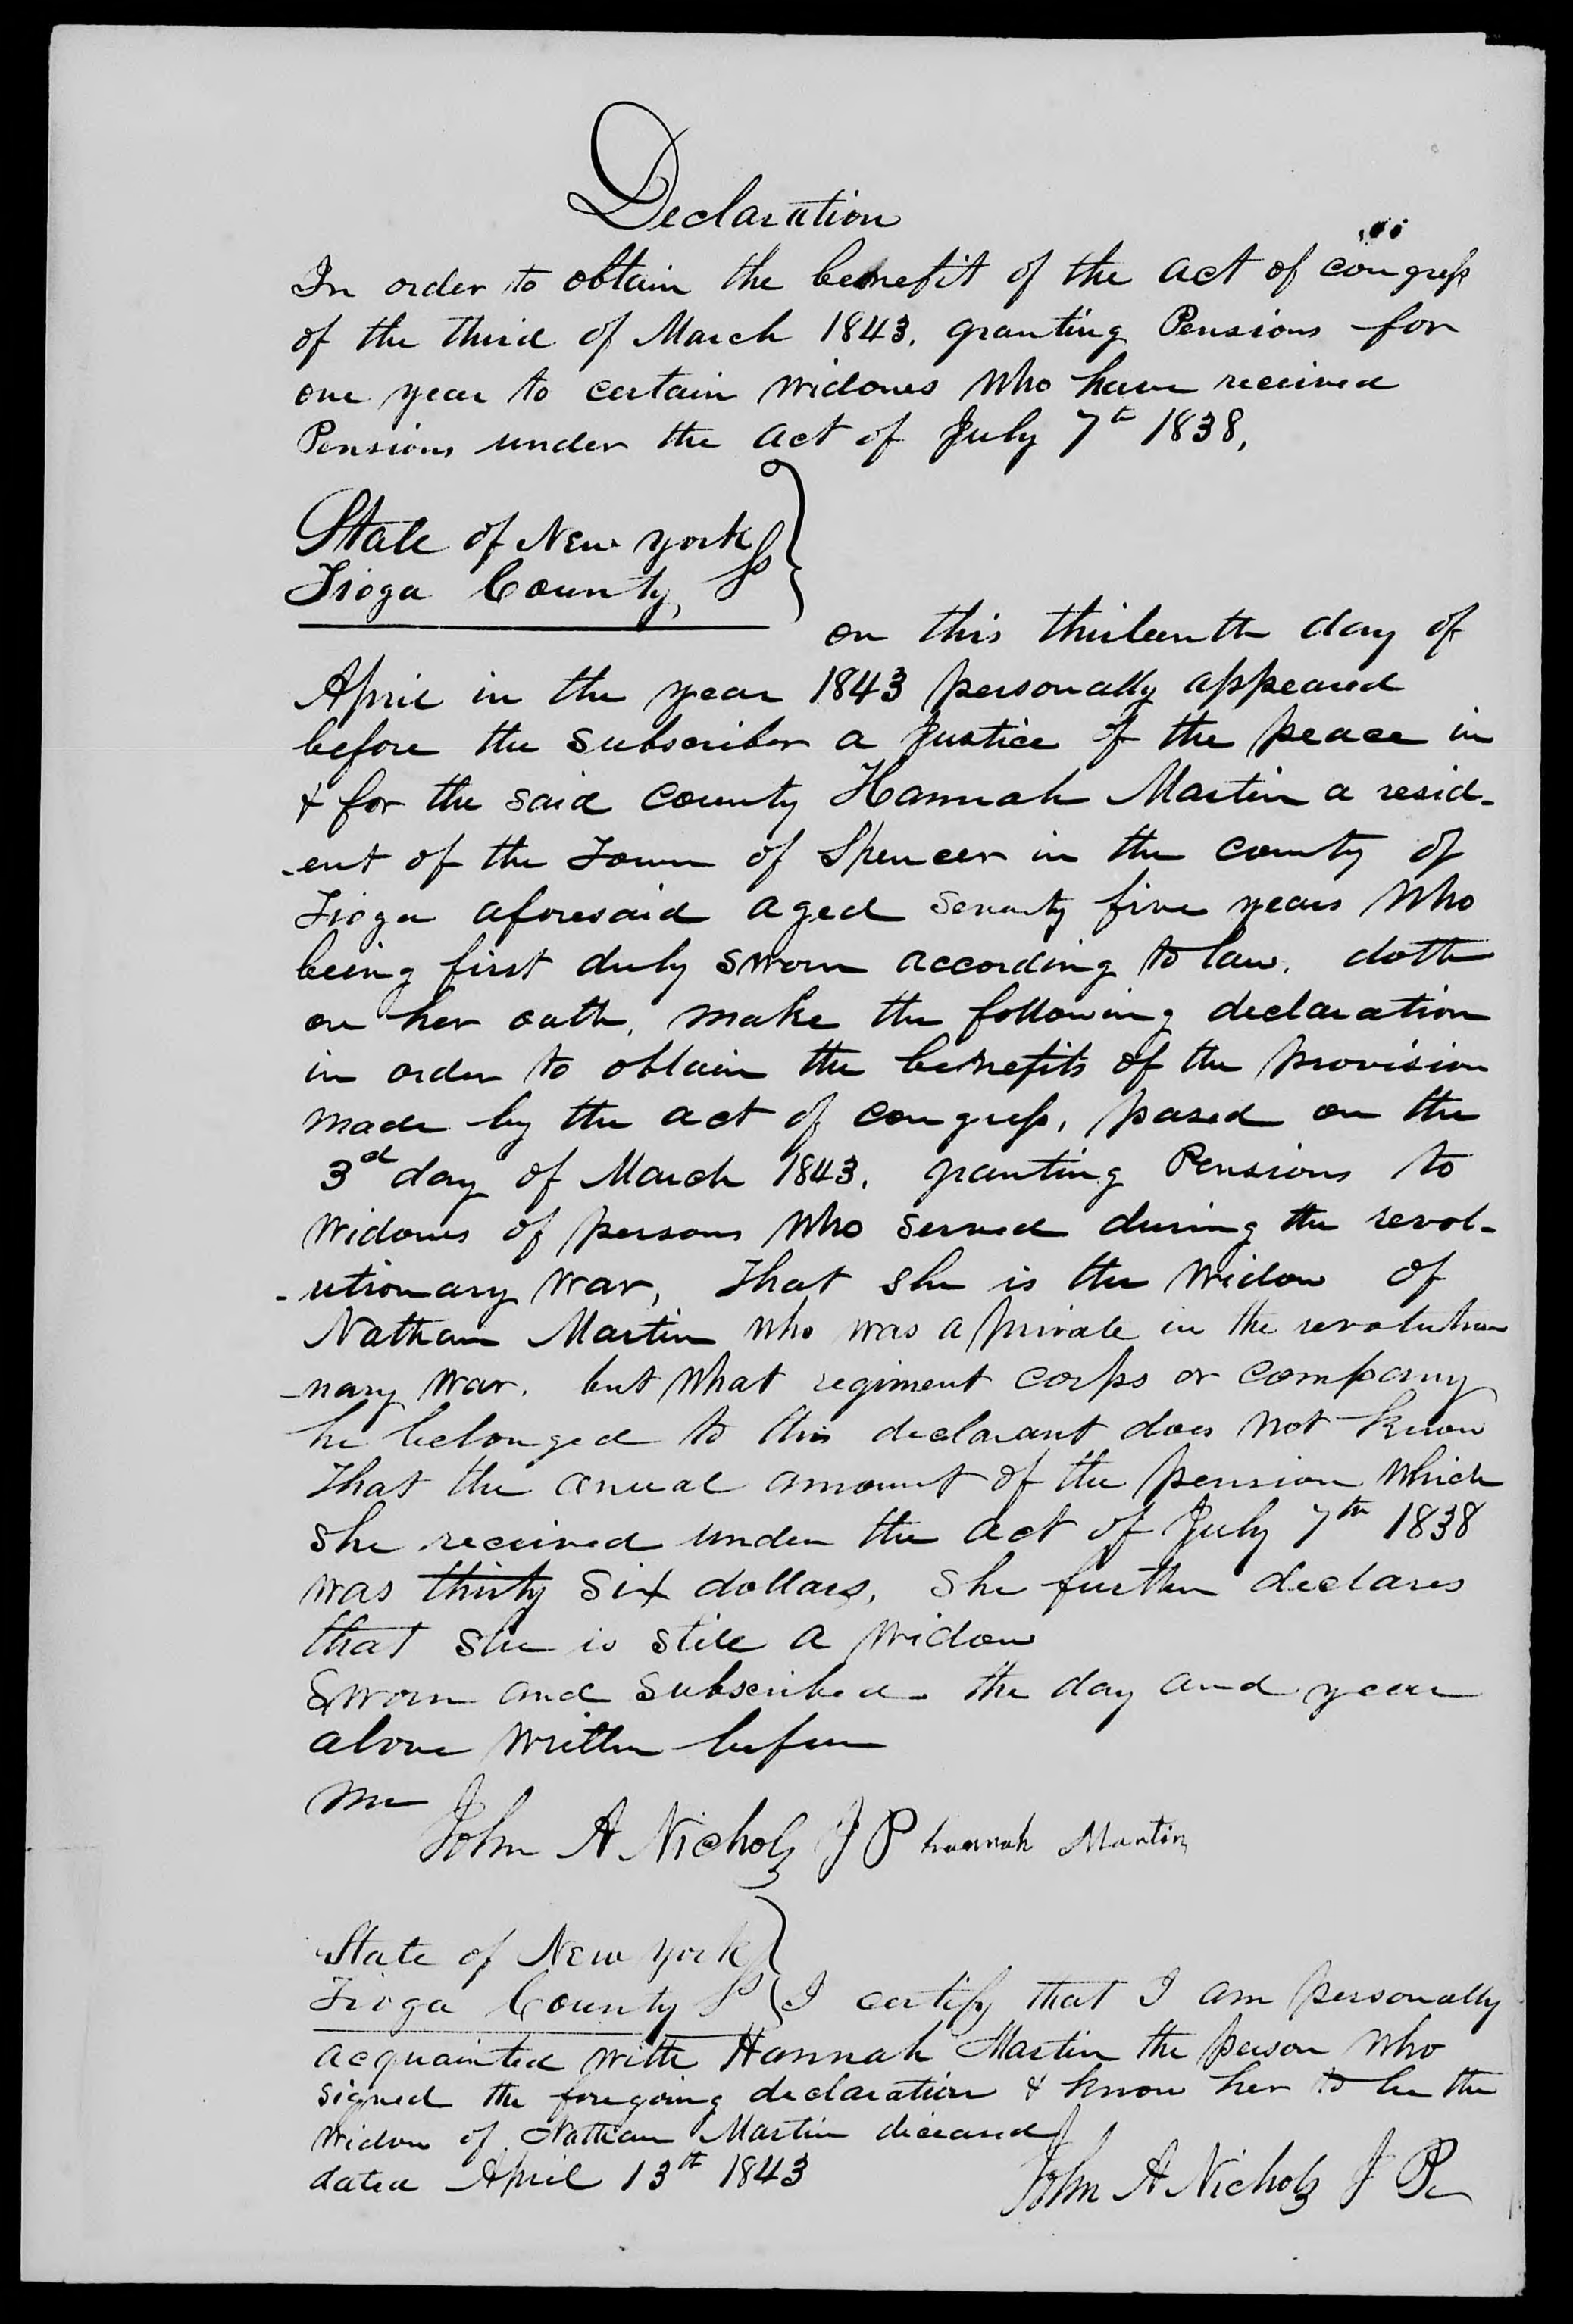Declaration
In order  to obtain the benefit of the Act of Congress
of the third of March 1843, granting Pensions for
one year to certain widows who have received
Pensions under the Act of July 7th 1838,
State of New. York
Tioga County, ss}
On this thirteenth day of 
April in the year 1843 personally appeared
before the subscriber a Justice of the peace in
& for the said County Hannah Martin a resident of the Town of Spencer in the County of
Tioga aforesaid aged seventy five years who
being first duly sworn according to law. doth
on her oath make the following declaration
in order to obtain the benefits of the provision
made by the act of Congress, passed on the
3rd day of march 1843. granting Pensions to
Widows of persons who served during the revolutionary 
War, that she is the widow of
Nathan martin who was a private in the revolutionary
War. but what regiment corps or company
he belonged to this declarant does not know
That the anual amount of the pension which
she received under the Act of July 7th 1838
was thirty six dollars, she further declares that she is still a widow
Sworn and subscribed the day and year 
above written before
me
John A. Nichols JP hannah Martin
State of New York
Tioga County ss} I certify that I am personally
acquainted with Hannah Martin the person who
signed the foregoing declaration & know her to be the
widow of Nathan Martin diceased
dated April 13th 1843
John A Nichols JPc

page: 27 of 30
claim: widow's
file: W. 23,904, for Nathan Martin, New Hampshire